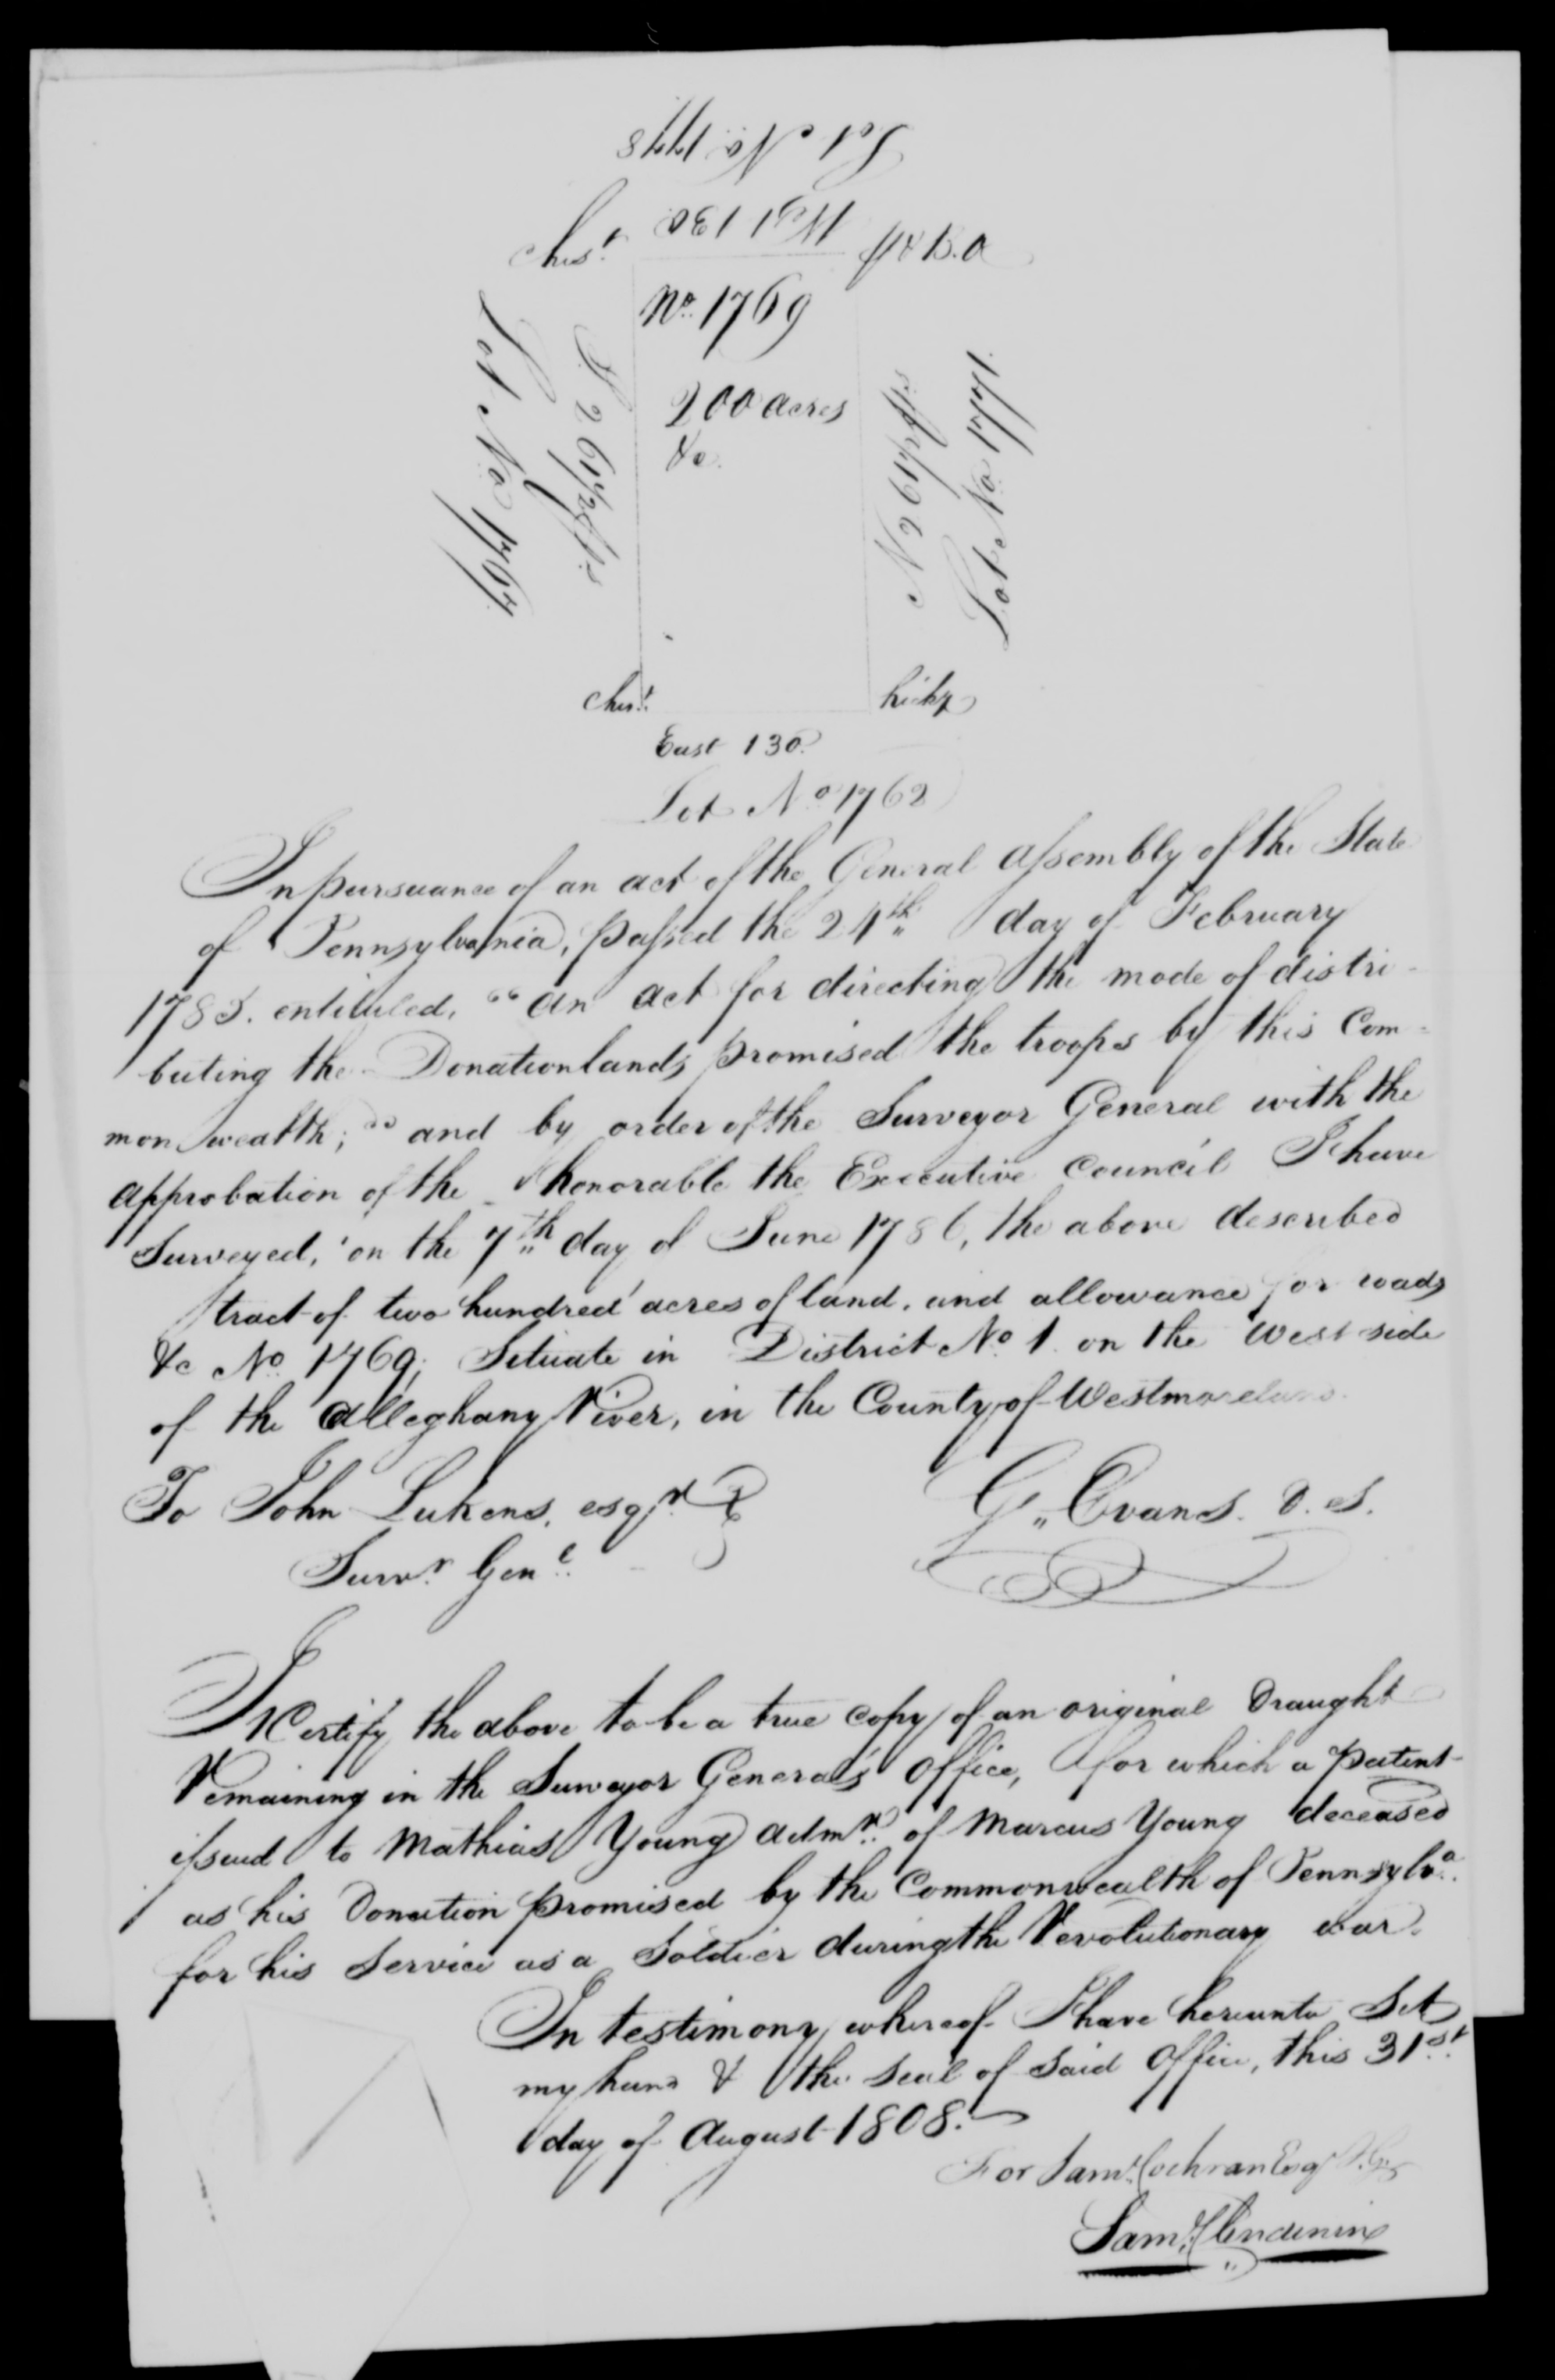West 130 
Lot No. 1778
Ches’t  fir B. A. 
S. 261 ½ p’s
Lot No. 1767
N, 61 ½ p's.
Lot No. 1771
No. 1769 200 acres &c
Ches’t       hicky
East 130
Lot No 1762
In pursuance of an act of the General assembly of the State of Pennsylvania, passed the 24th day of February 1783, entitled an act for directing the mode of distributing the Donation lands promised the troops by this commonwealth; as and by order of the Surveyor General with the approbation of the honorable the Executive Council have Surveyed on the 7th day of June 1786, the above described tract of two hundred acres of land, and allowance for roads & No 1769, situate in District No 1 on the West side of the Alleghany River, in the County of Westmoreland 
To John Lukens esq’r
Surv’r Gen’l 
G. Evans O.S. 
I certify the above to be a true copy of an original Draught Remaining in the Surveyor Generals Office, for which a patent issued to Mathias Young Adm’r [administrator] of Marcus Young deceased as his donation promised by the Commonwealth of Pennsylv’a for his service as a Soldier during the Revolutionary war.   
In testimony whereof I have hereunto set my hand & the seal of said Office, this 31st day of August 1808 For Saml Cochran Esq. 
Sam’l Clendenin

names: Marcus Young, Mathias Young, Saml Cochran, Saml Clendenin, John Lukens, G Evans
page: 6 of 13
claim: bounty land warrant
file: B. L. Wt. 428-200, Marcus Young, Penn.